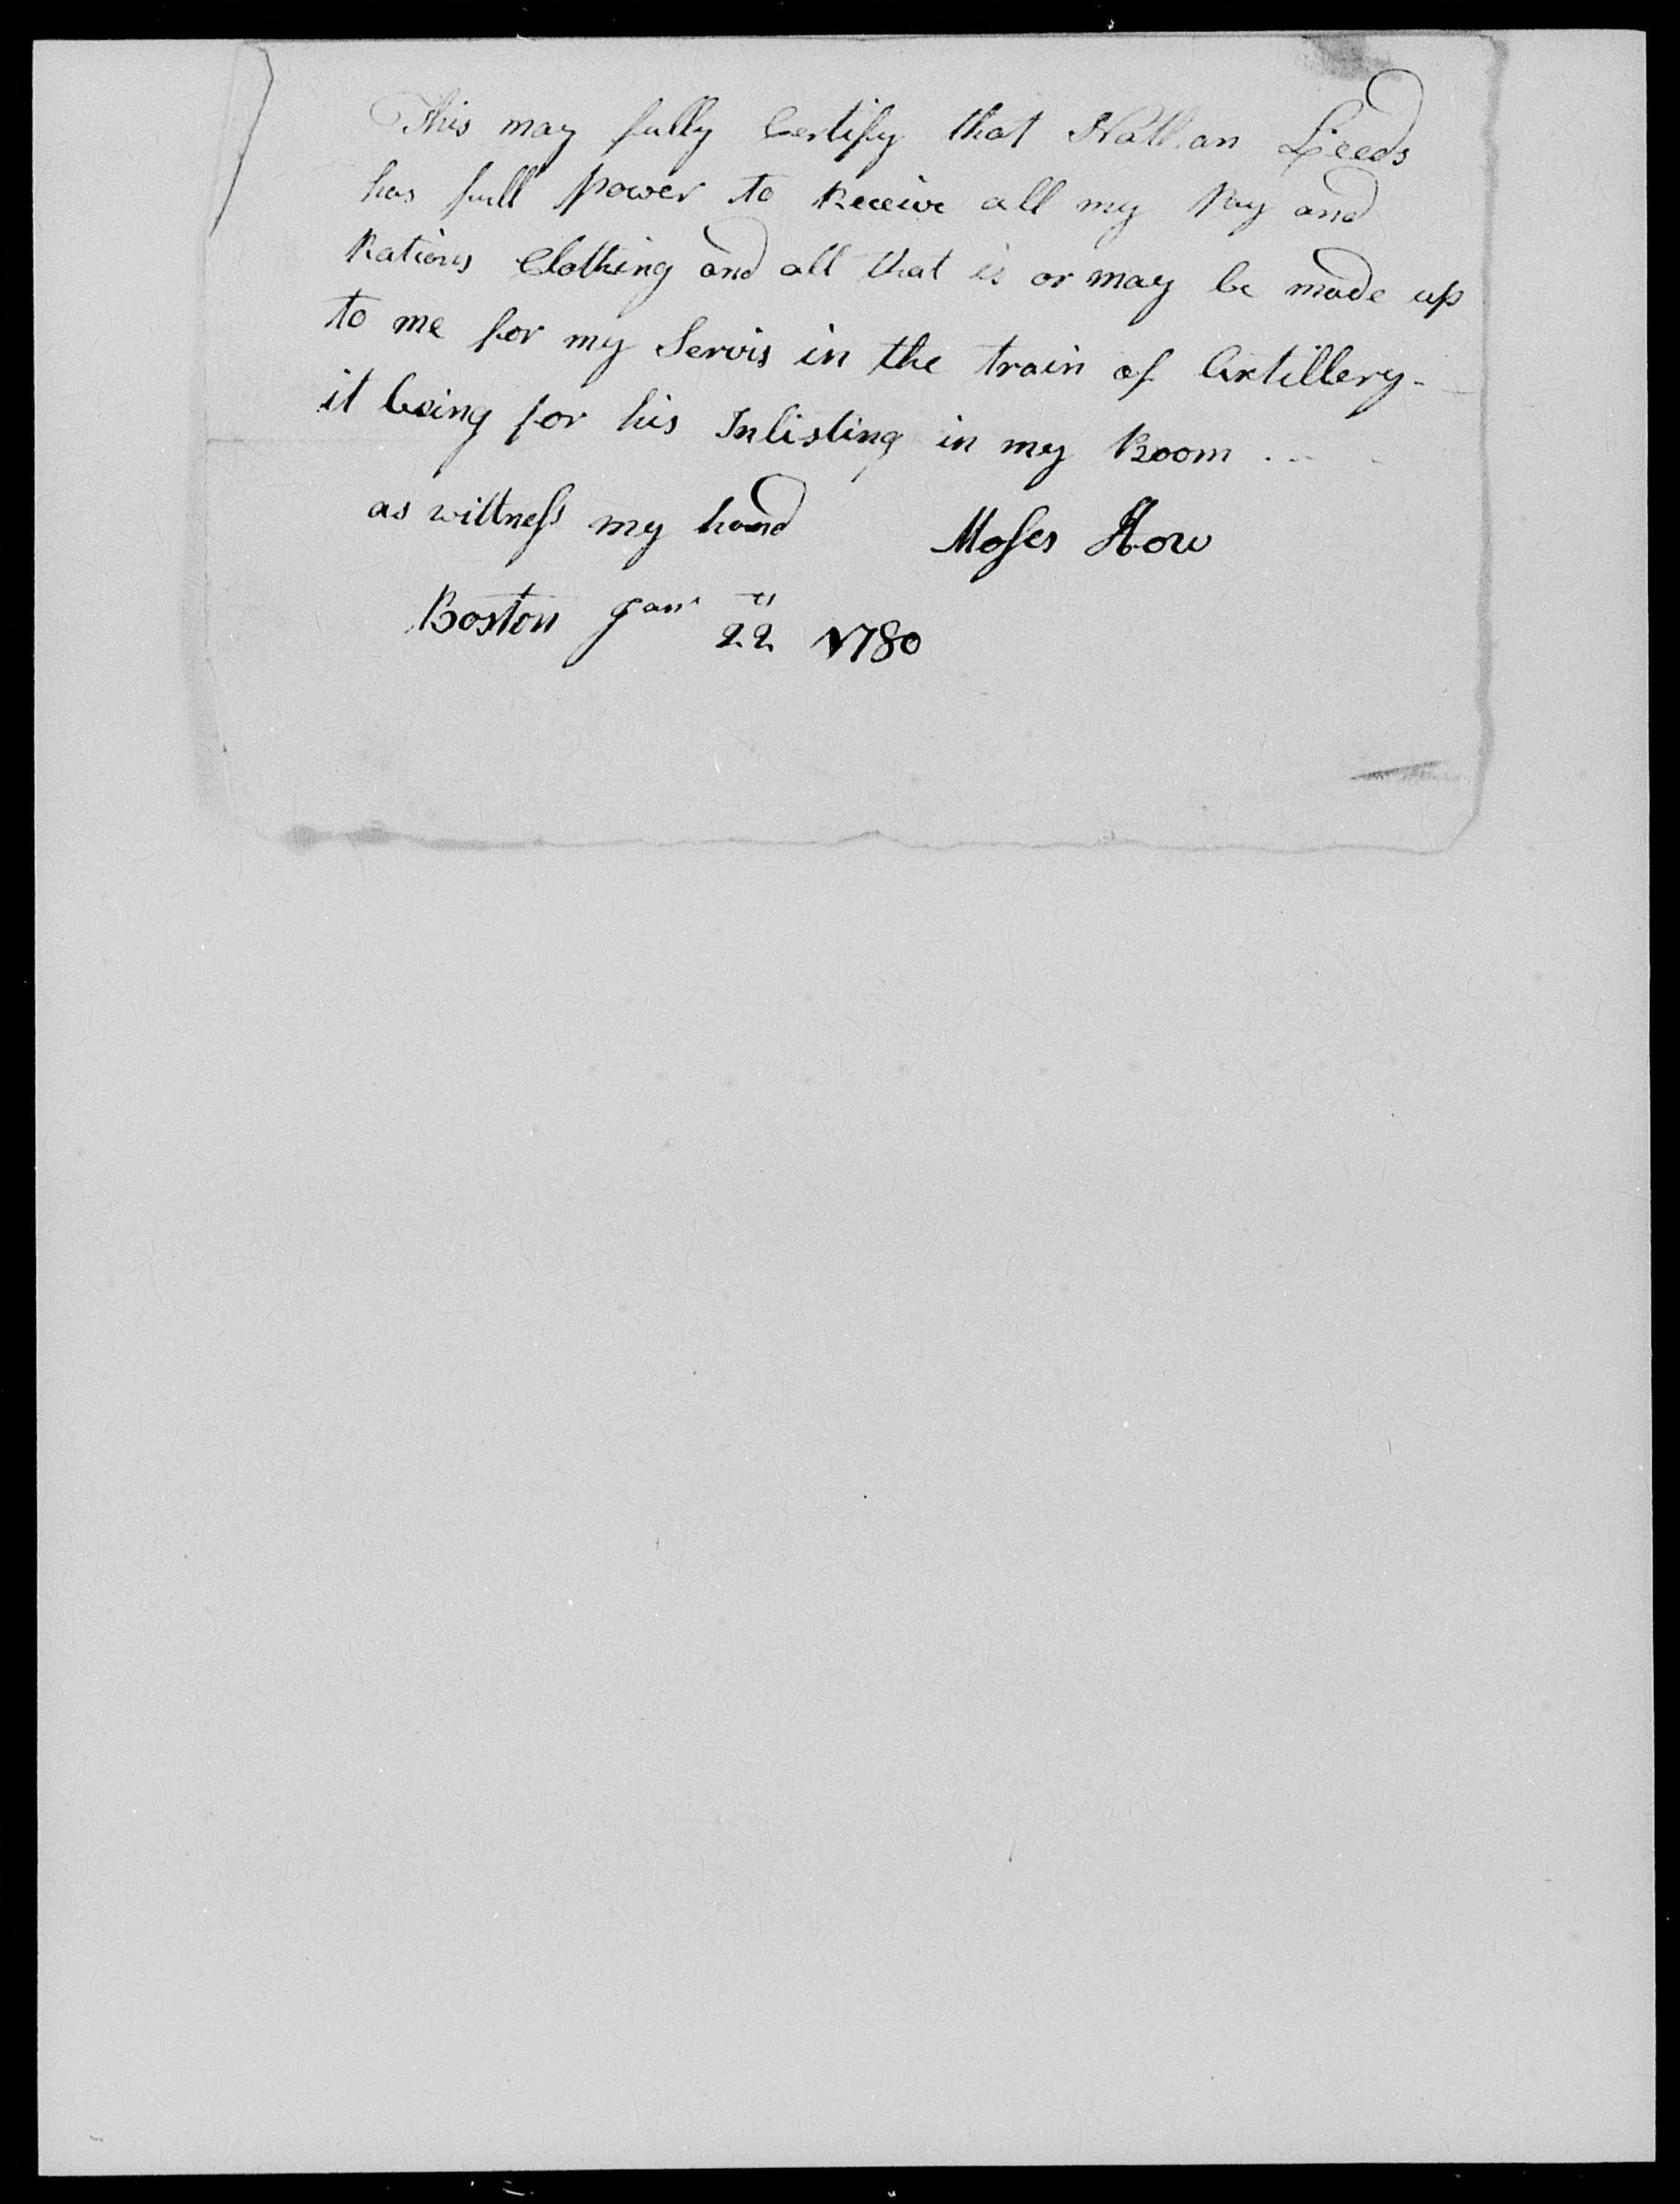This may fully certify that Nathan Leeds has full
power to receive all my pay and
Rations clothing and all that is or may be made up to me for my Servis in the train of Artillery
it being for his Inlisting in my Boom
as wittness my hand
Moses How
Boston
Jany 22 1780
-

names: Moses How; Nathan Leeds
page: 22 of 33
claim: widow's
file: W. 21,567, for Nathan Leeds, Massachusetts